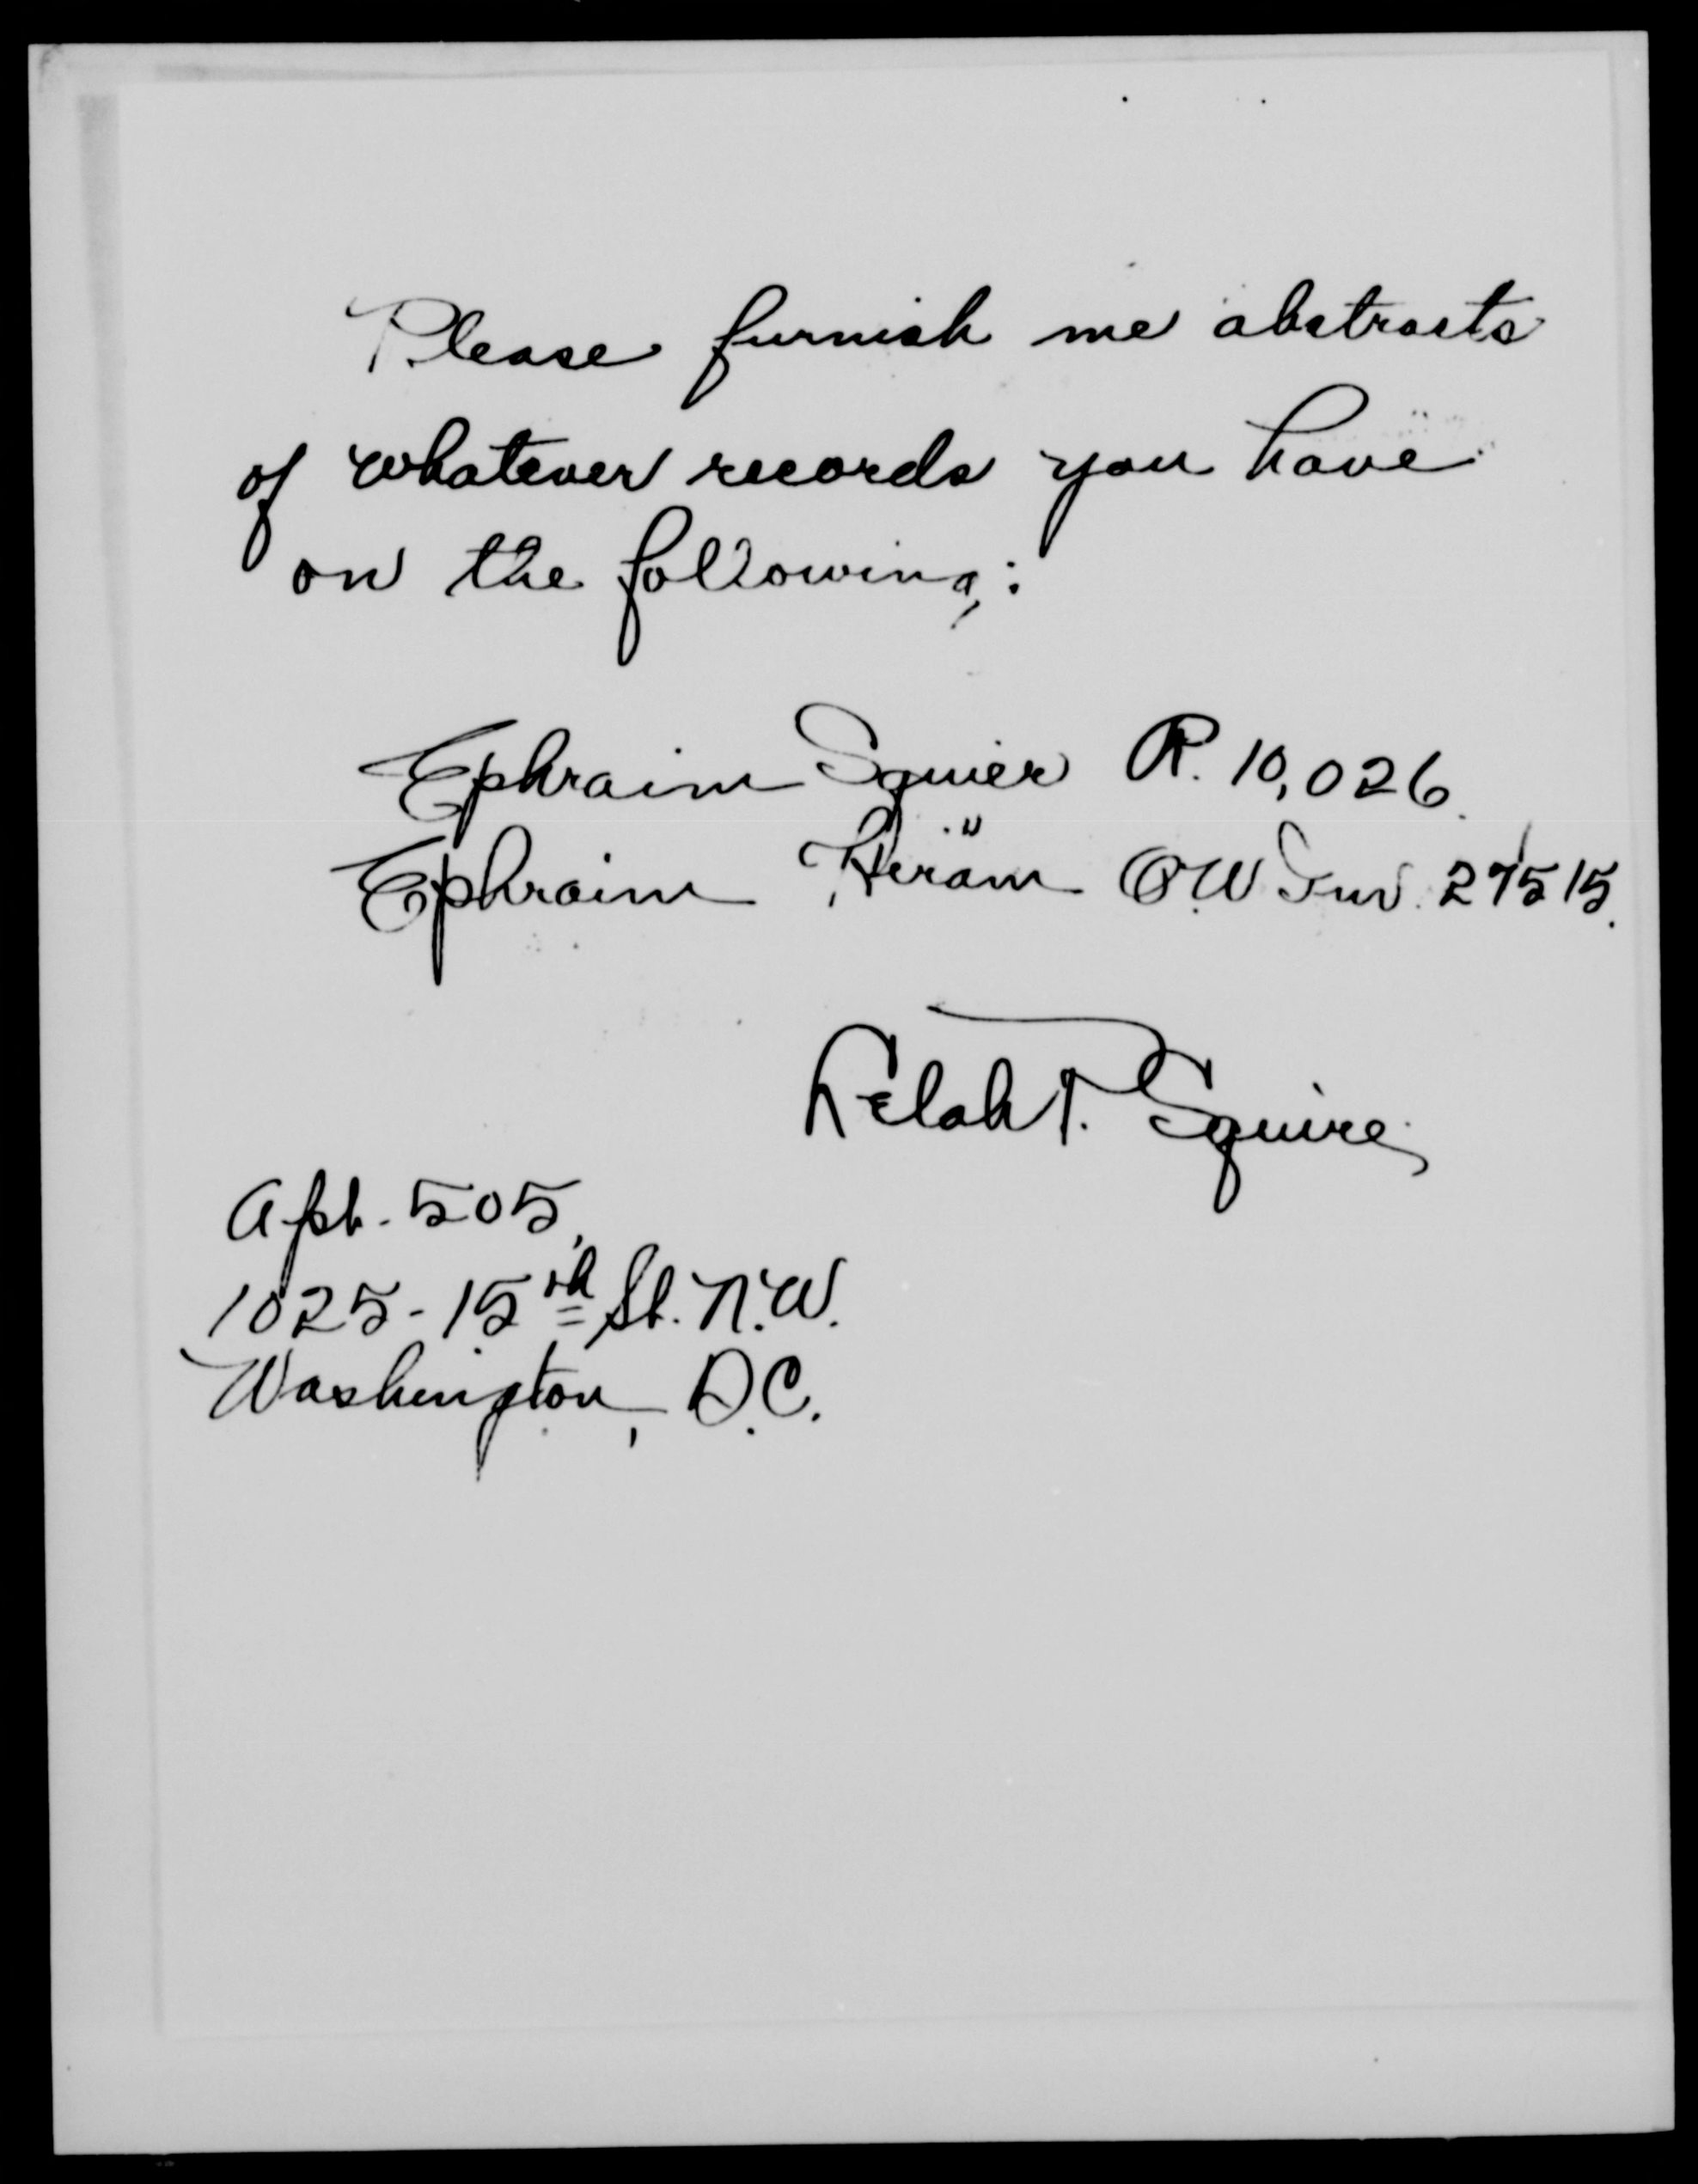Please furnish me abstracts of whatever records you have on the following:
Ephraim Squier R. 10,026.
Ephraim Hiram PW Pri 27515.

Lelah P. Squier

Apt. 505
1025-15th St N.W.
Washington, D.C.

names: Ephraim Squier; Ephraim Heram; Lelah P Squire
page: 26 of 70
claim: rejected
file: R. 10,026, for Ephraim Squier, Connecticut